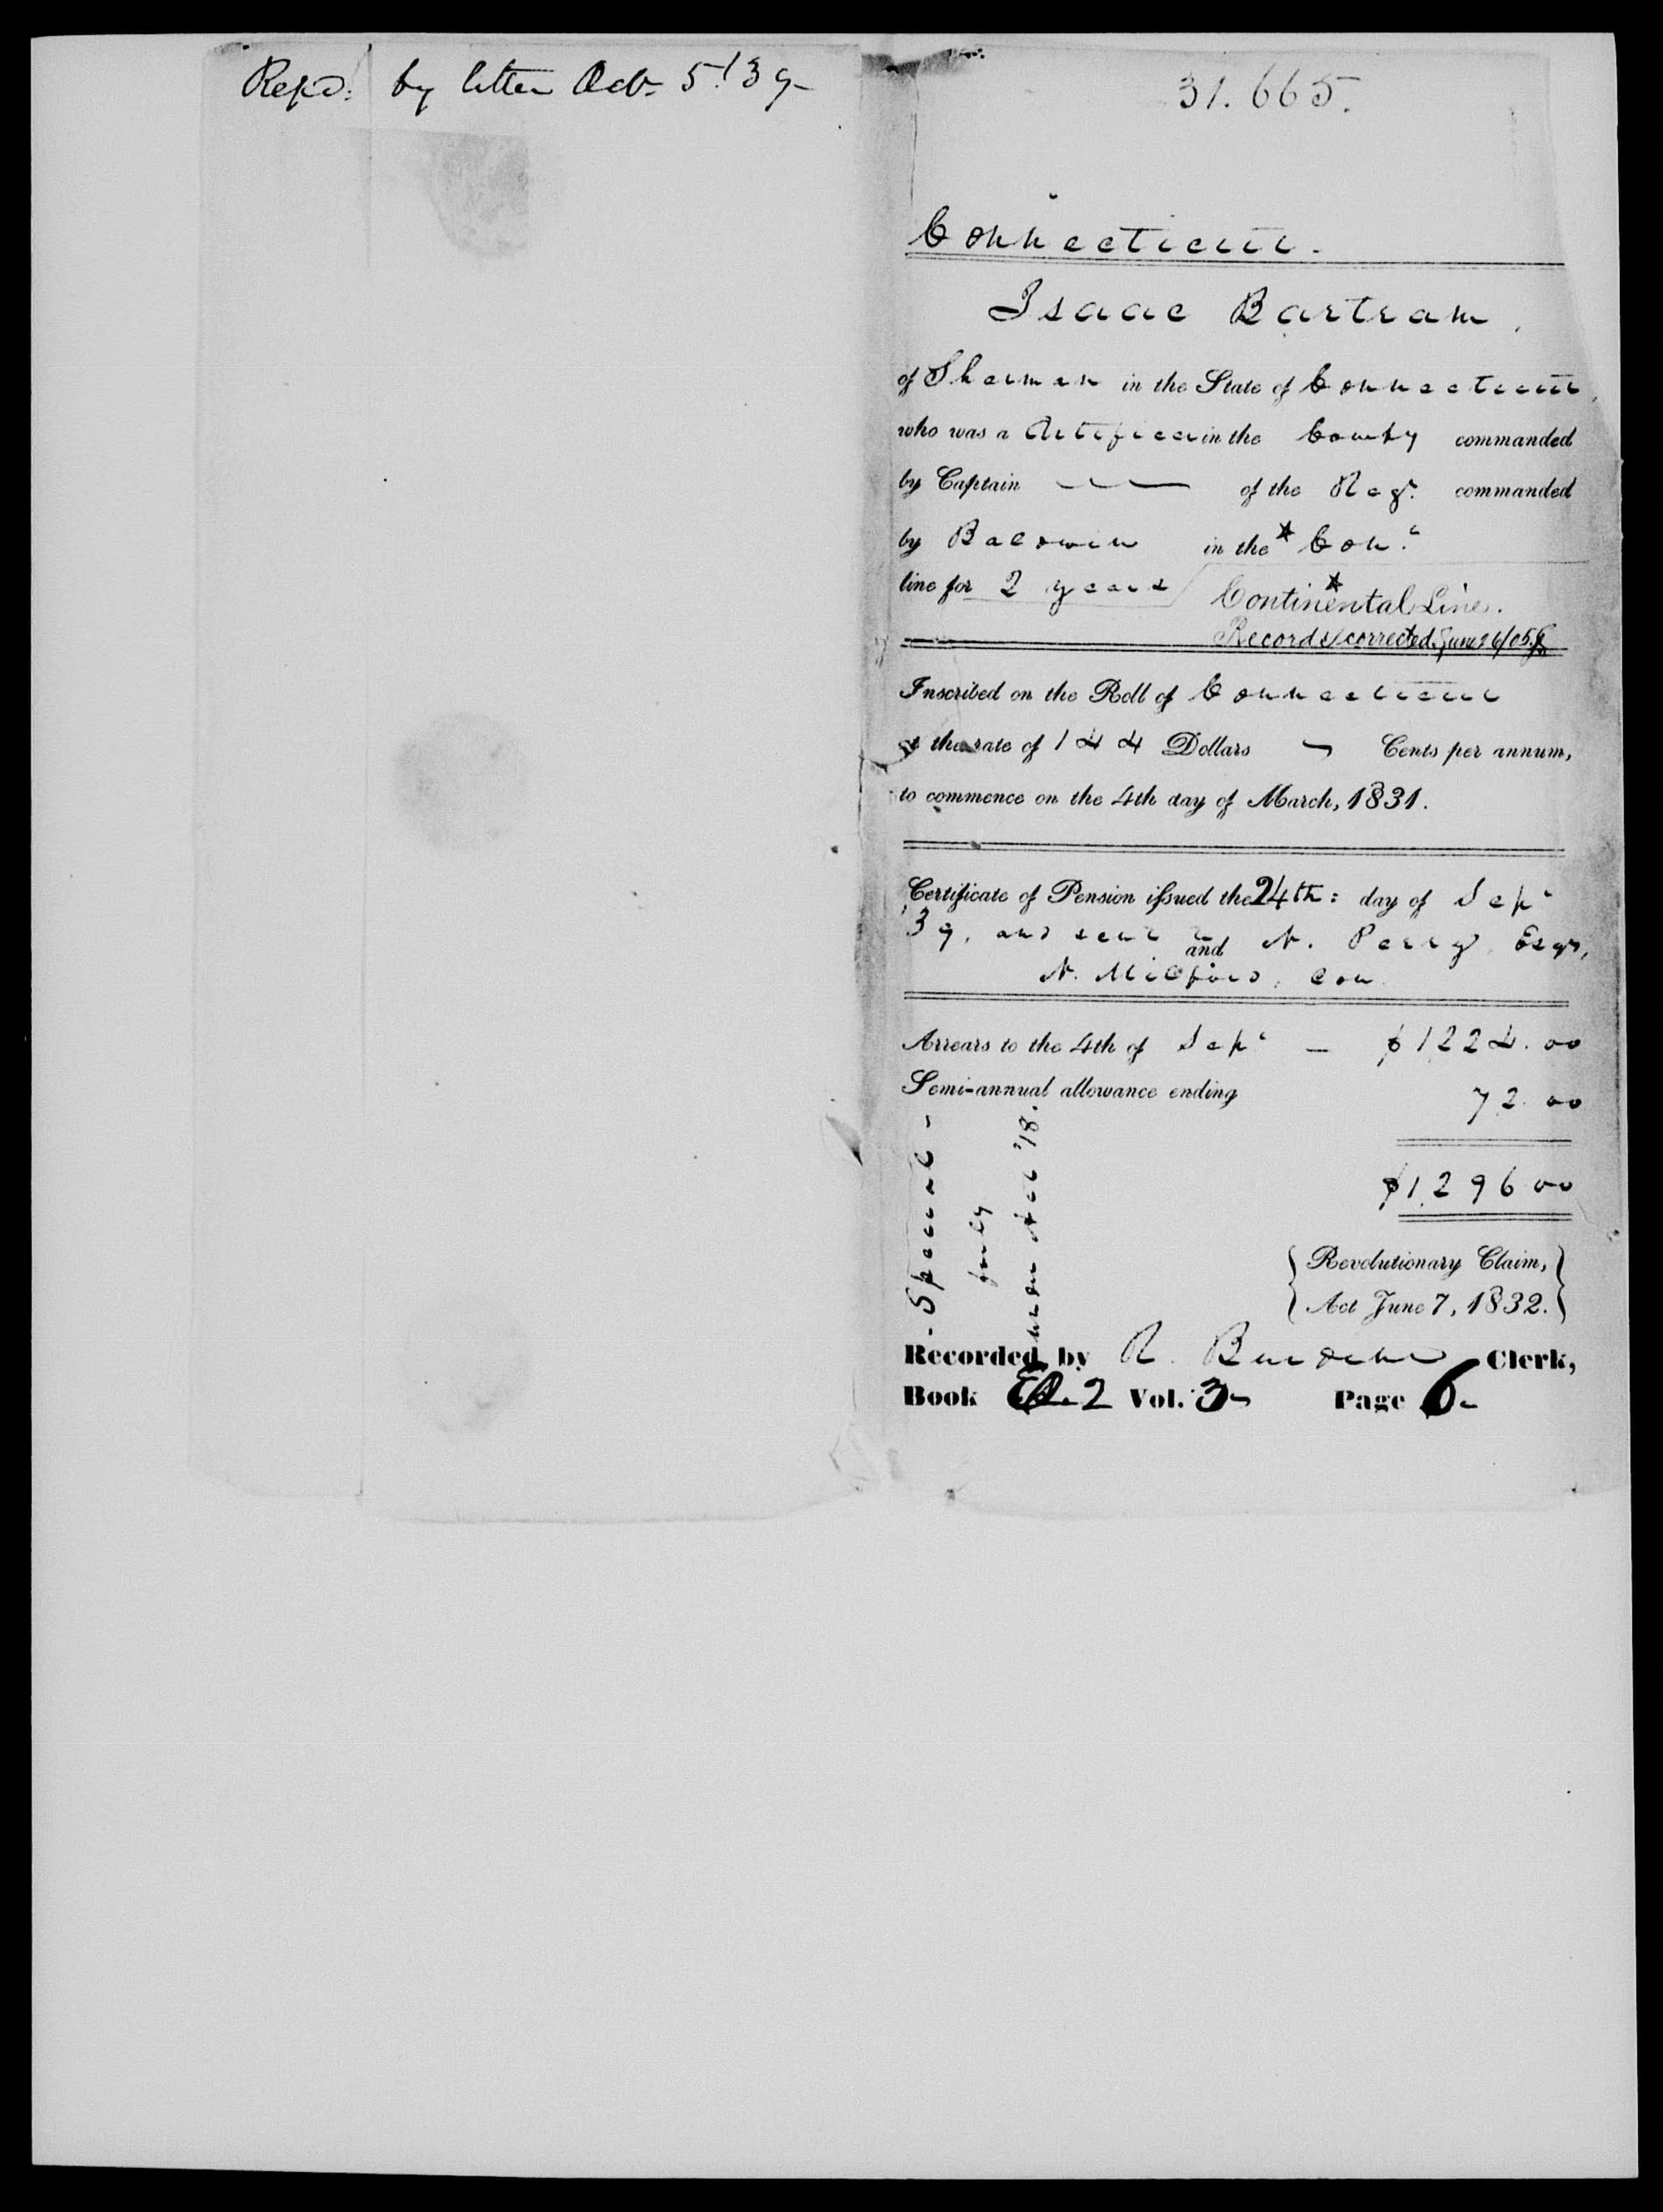Repd by letter Oct. 5 39

31.665
Connecticut
Isaac Bartram
of Sherman in the State of Connecticut
who was a artificer in the Compy commanded
by Captain of the Reg commanded
by Baldwin
in the *Cont
line for 2 years
* Continental Line
Records corrected June 26 05
Inscribed on the Roll of Connecticut
at the rate of 144 Dollars Cents per annum,
to commence on the 4th day of March, 1831.
Certificate of Pension issued the 24th day of Sep
'39 and sent to N. Perry Esqr
and
N. Milford, Con

Arrears to the 4th of Sep               $1224.00
Semi-annual allowance ending            72.00
                                                        $1296.00
Revolutionary Claim,
Act June 7, 1832.
Recorded by R Burdche Clerk
Book E.2  Vol. 3  Page 6

Special 
[illegible] under Act '18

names: N Millford, Baldwin, Isaac Bartram, N Perry, R Burdine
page: 2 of 39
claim: survivor's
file: S. 12110, Isaac Bartram, Continental (Conn)